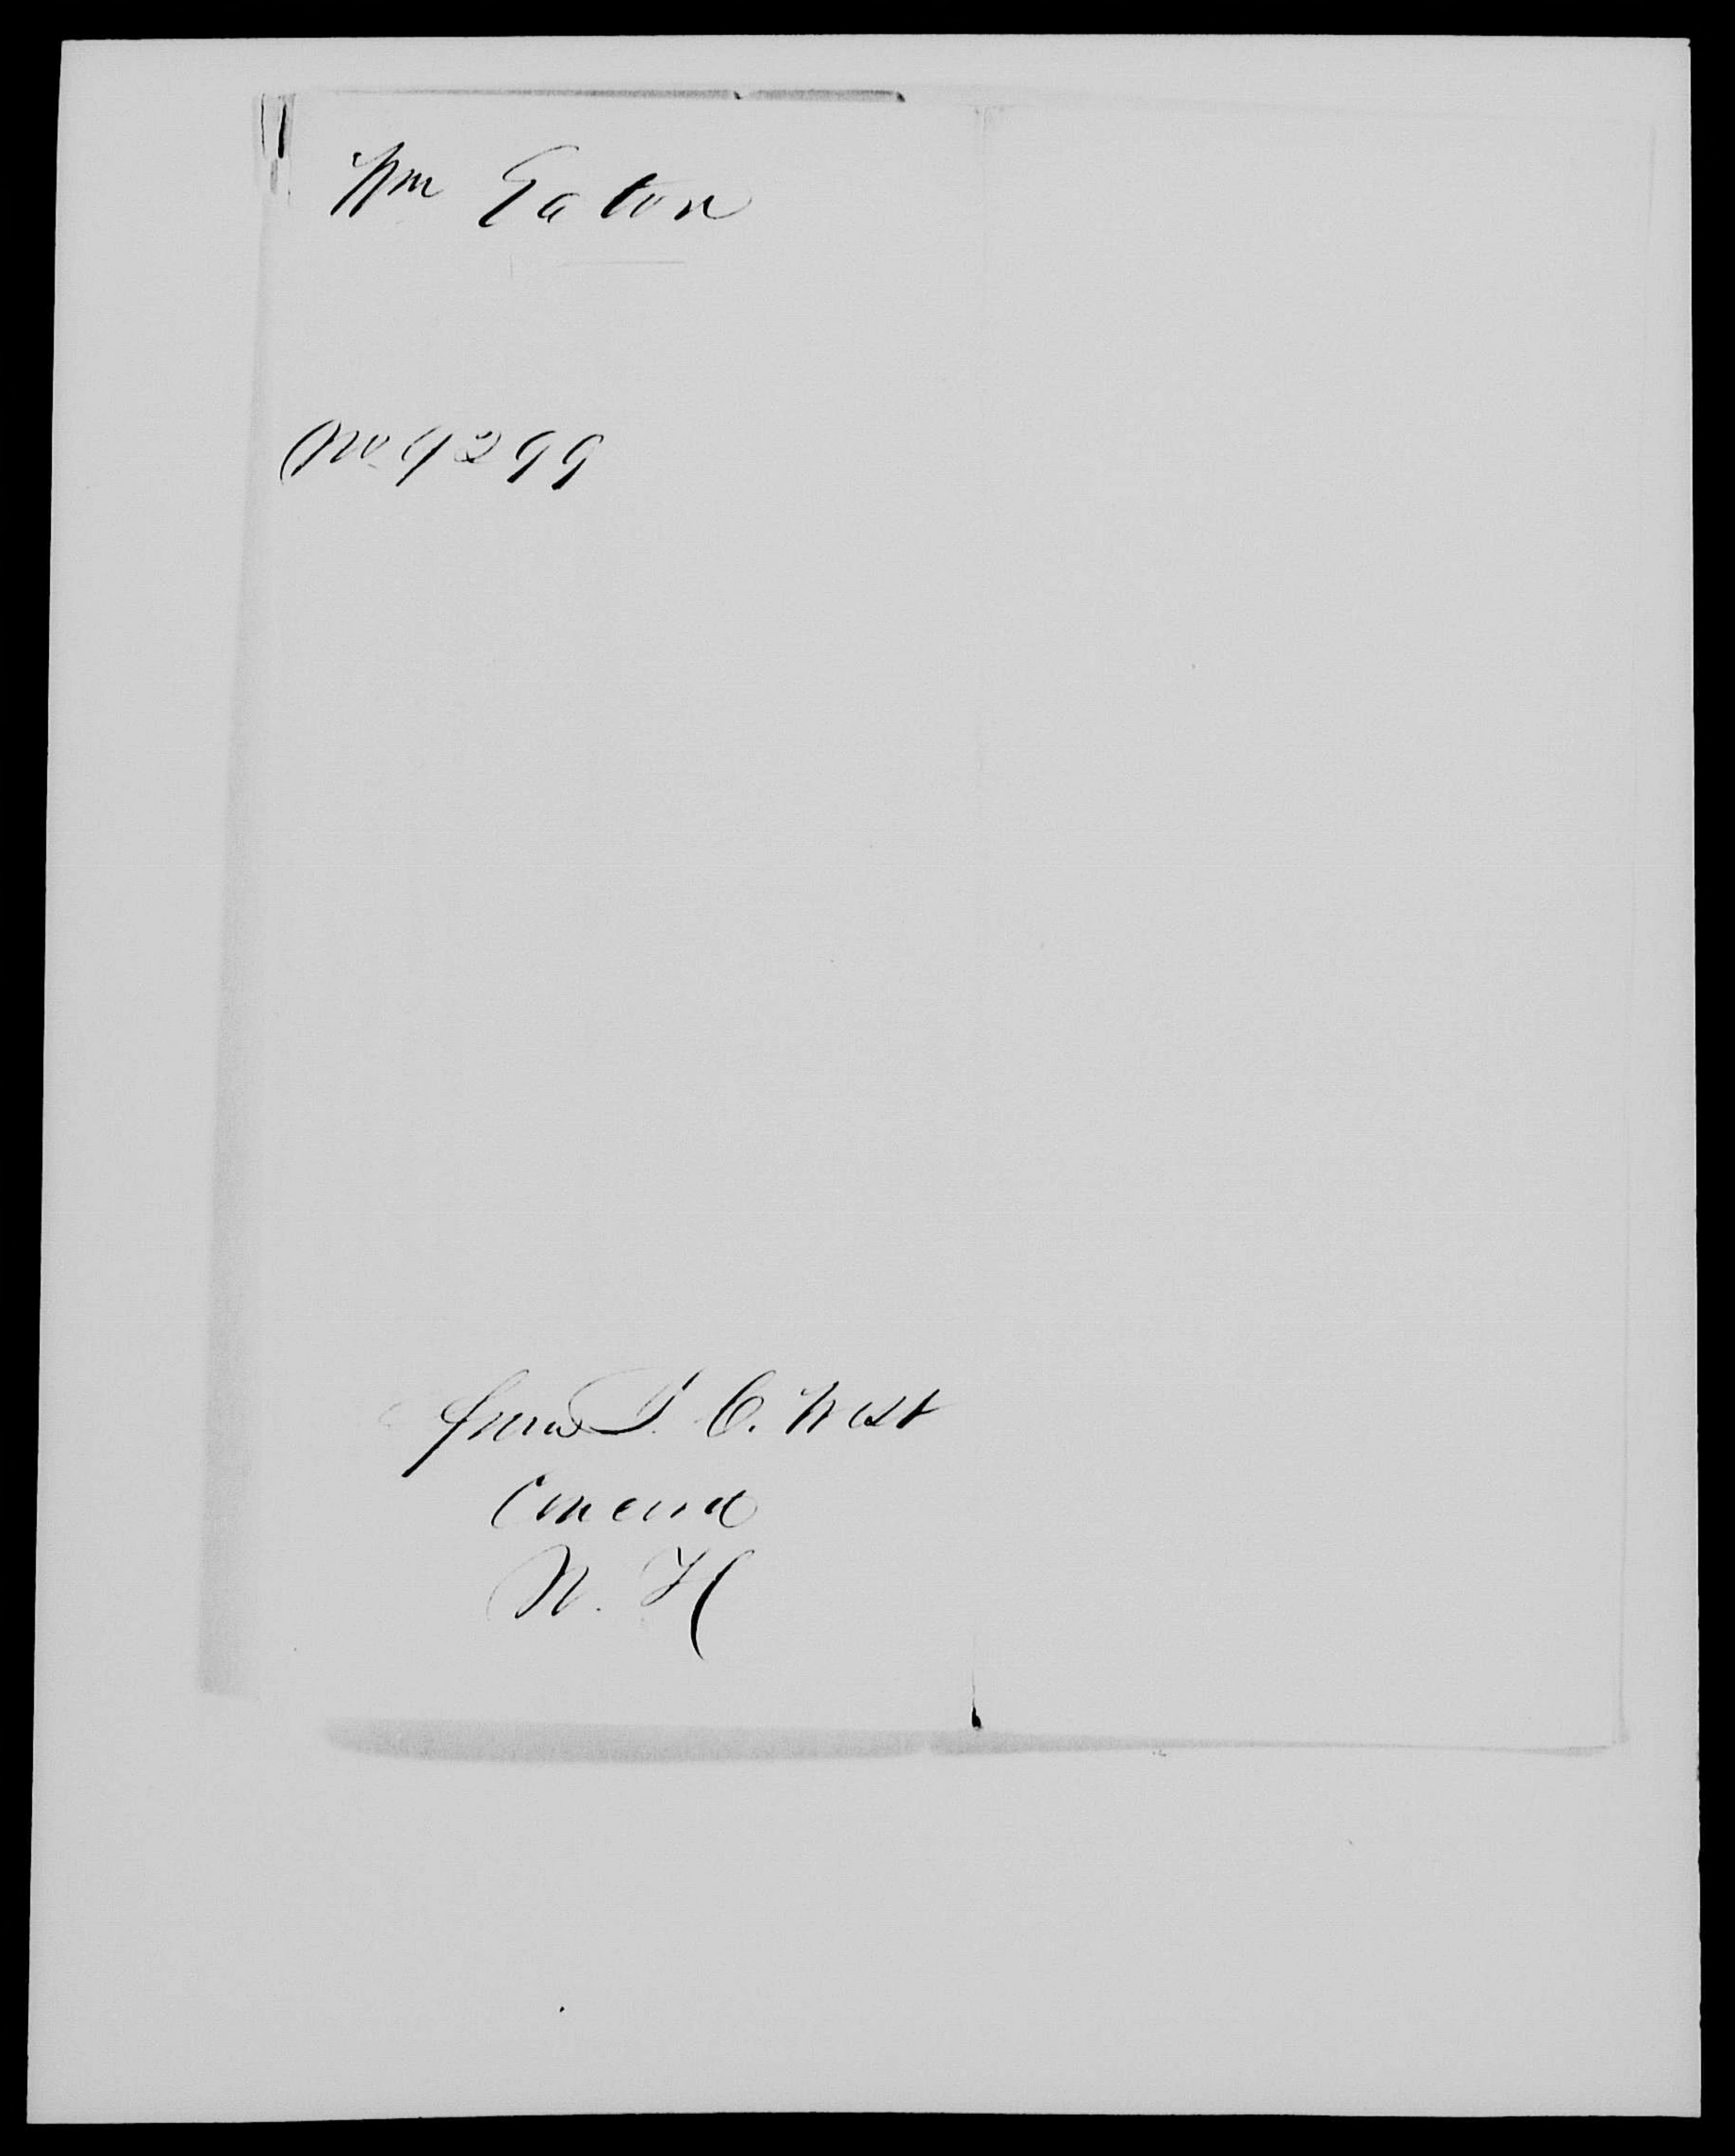Wm Eaton
No 9299

James J C West
Concord NH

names: Wm Eaton, J C West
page: 11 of 21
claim: survivor's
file: S. 16374, William Eaton, Continental Mass. N.H.